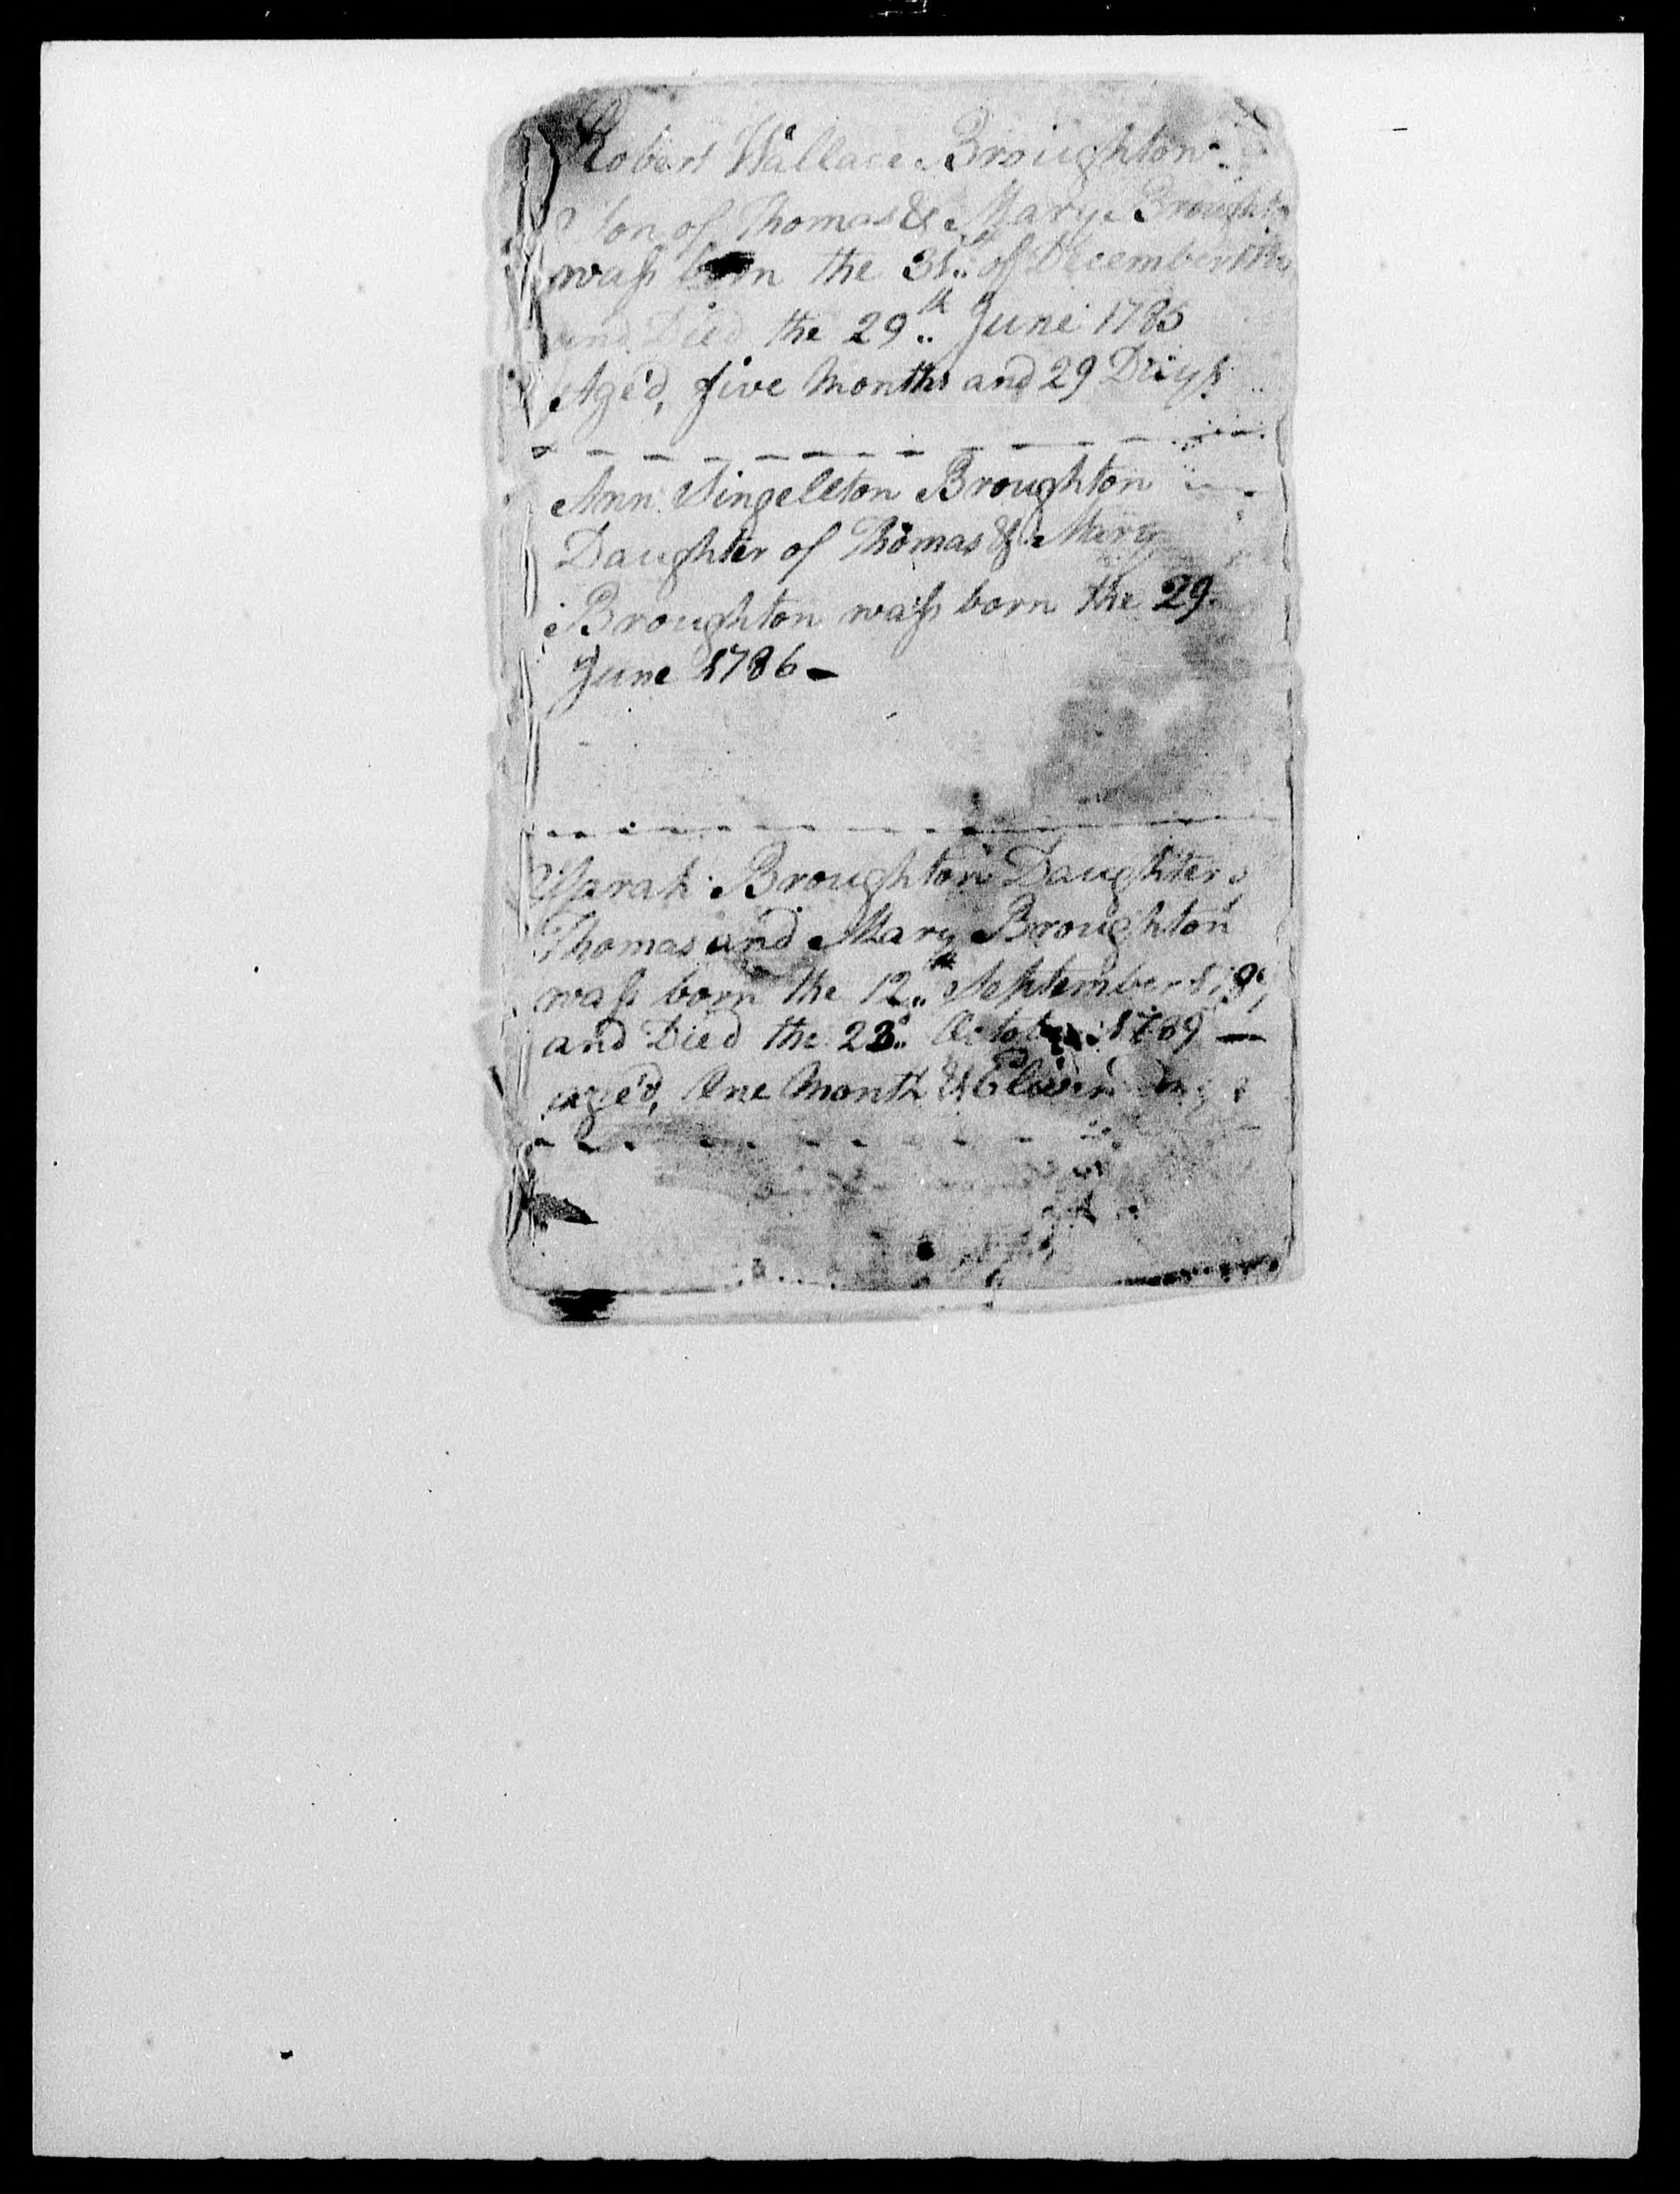Robert Wallace Broughton Son of Thomas & Mary Broughton was born the 31 of December [1784] and Died the 29th June 1785 Aged five months and 29 Days 
Ann Singeleton Broughton Daughter of Thomas & Mary Broughton was born the 29 June 1786. 
Sarah Broughton Daughter Thomas and Mary Broughton was born the 12th September [1789] and died the 23 October 1789 aged One month & Eleven days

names: Thomas Broughton, Mary Broughton, Mary Broughton, Sarah Broughton, Ann Singellton Broughton, Mary Broughton, Thomas Broughton, Thomas Broughton, Robert Wallace Broughton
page: 4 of 72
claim: widow's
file: W. 897, Thomas Broughton, S.C.